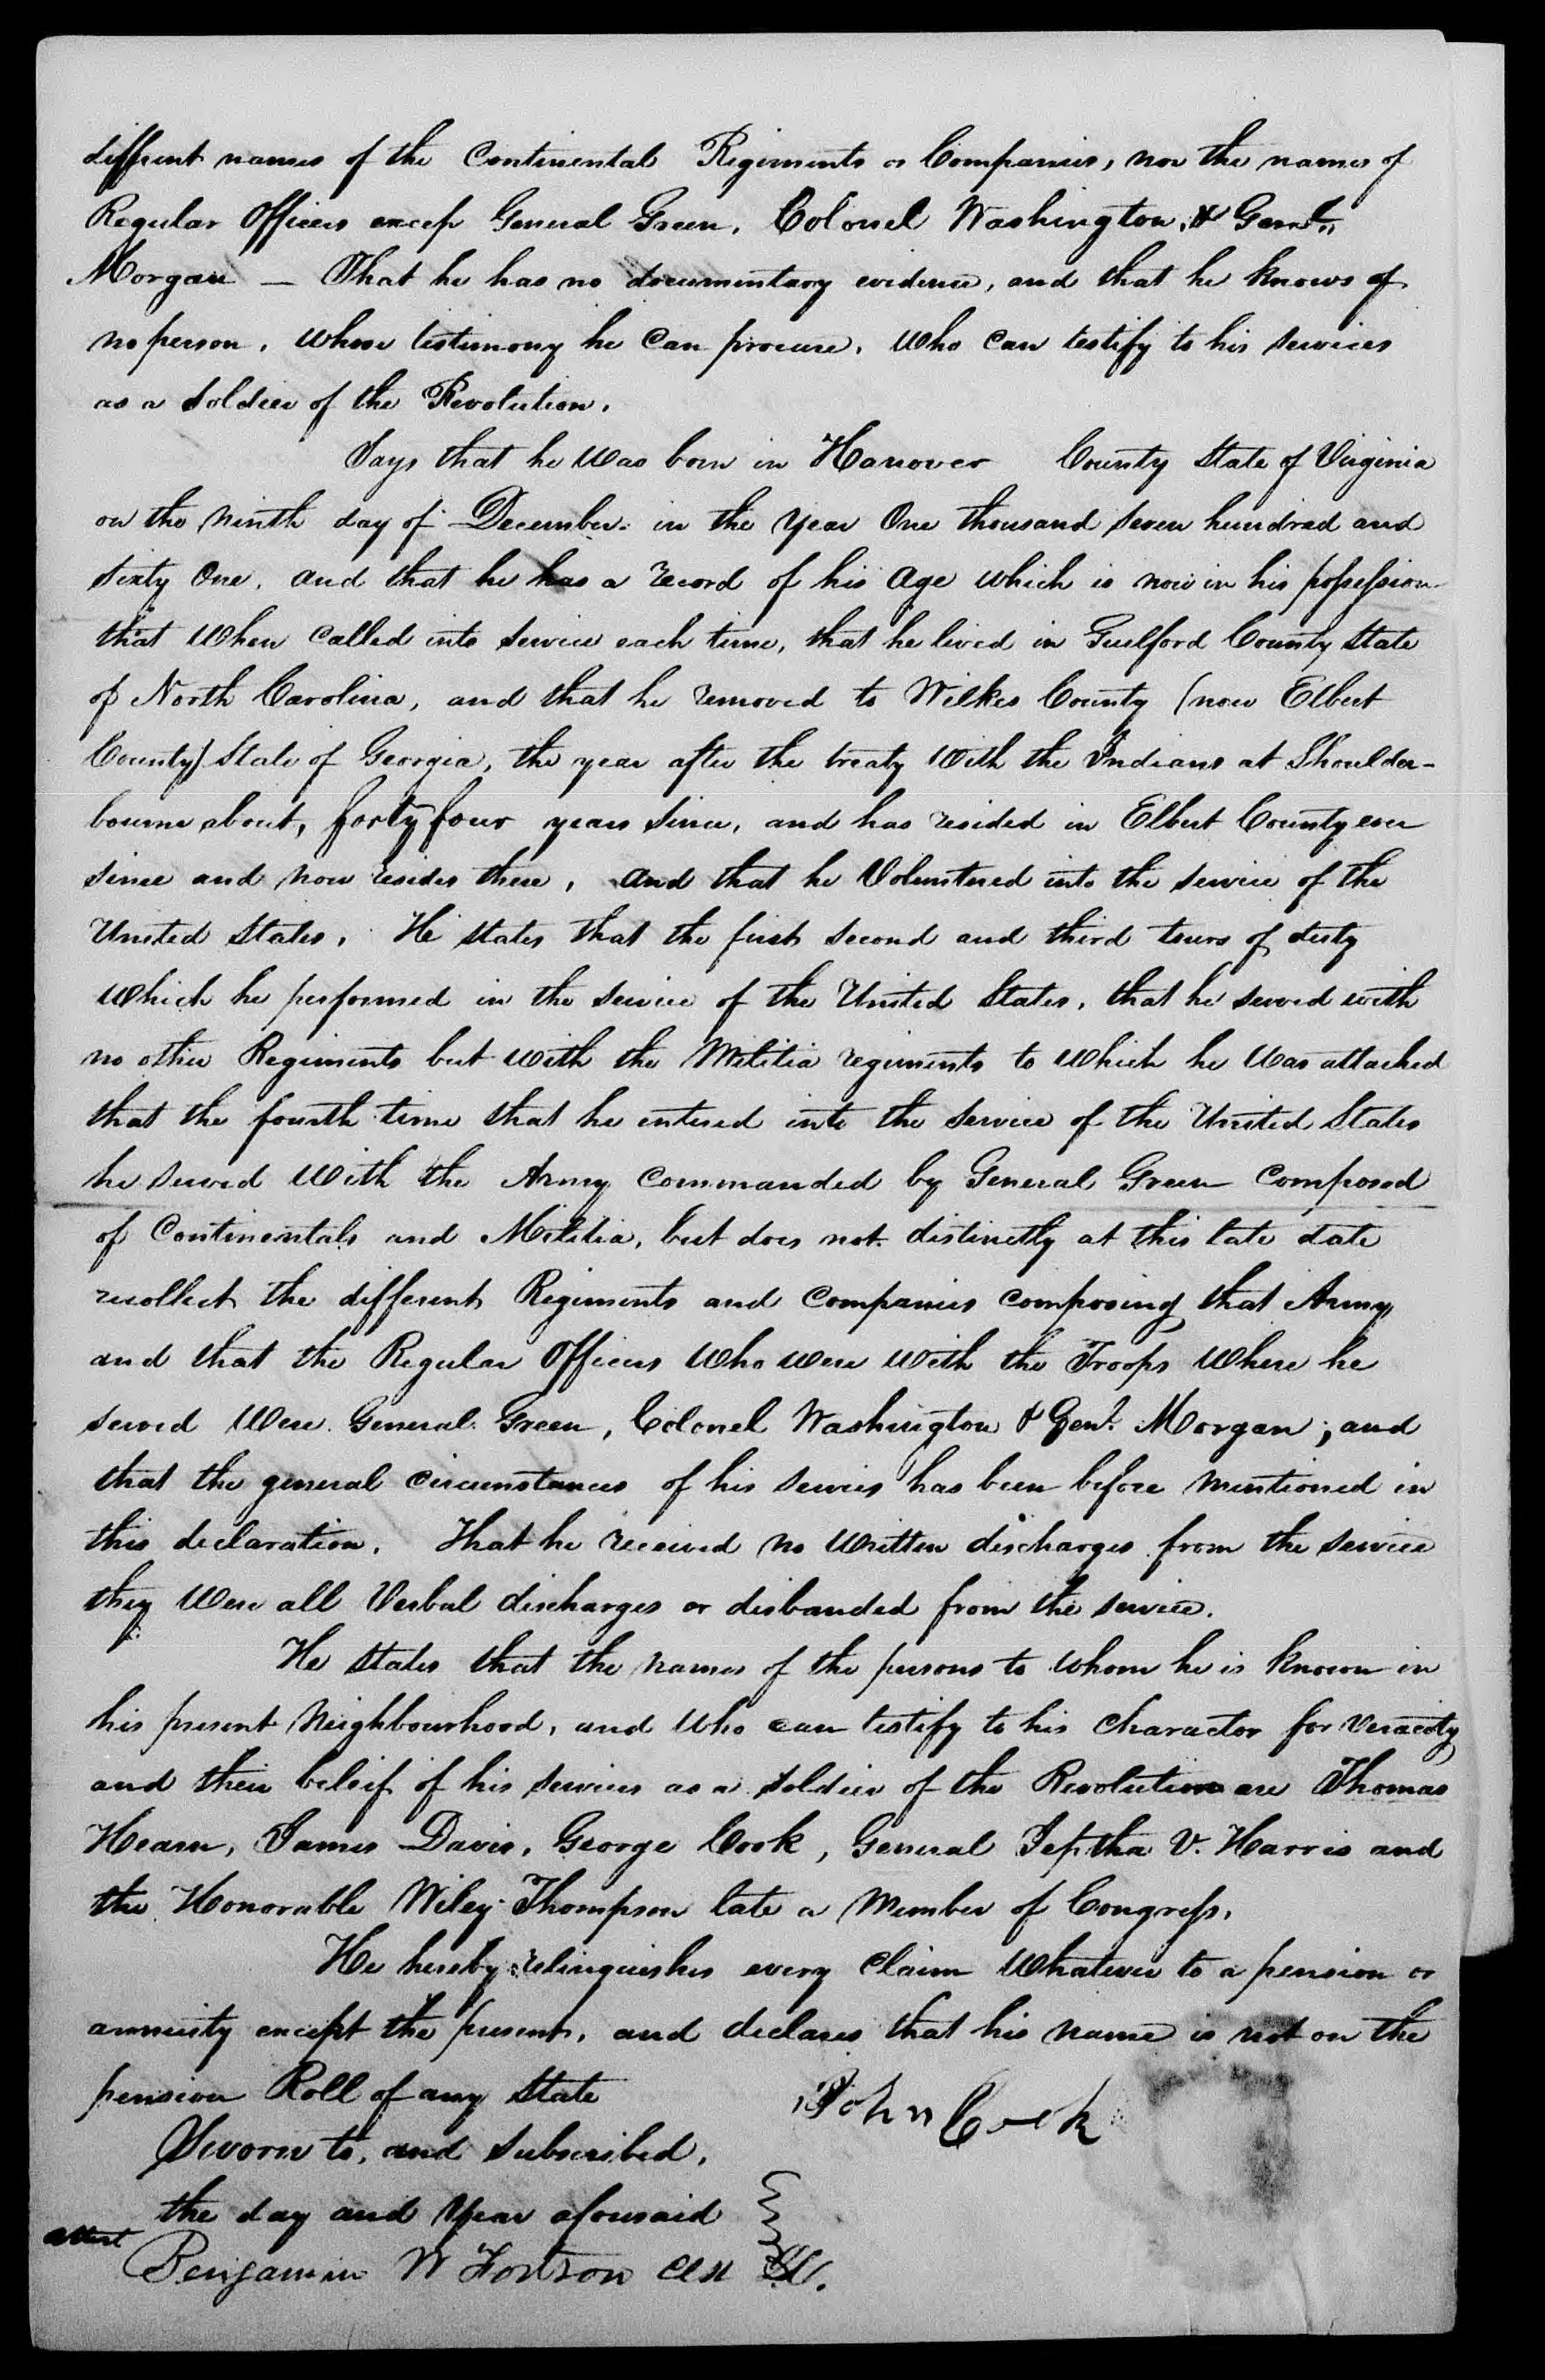different names of the Continental Regiments or Companies nor the names of Regular Officers except General Green, Colonel Washington & Genl. Morgan - That he has no documentary evidence, and that he knows of no person, whose testimony he can procure, who can testify to his services as a Soldier of the Revolution.
   Says that he was born in Hanover County State of Virginia on the ninth day of December in the year One thousand Seven hundred and Sixty One, and that he has a record of his age which is now in his possession that when called into Service each time, that he lived in Guilford Couty State of North Carolina, and that he removed to Wilks County (now Elbert County) State of Georgia, the year after the treaty with the Indians at Shoulderbourne about, forty four years since, and has resided in Elbert County ever since and now resides there and that he Volunteered into the Service of the United States.  He states that the first second and third tours of duty which he performed in the service of the United States, that he served with no other Regiments but with the Militia regiments to which he was attached that the fourth time that he entered into the service of the United States he served with the Army commanded by General Green composed of Continentals and Militia, but does not disinctly at this late date recollect the different Regiments and Companies composing that Army and that the Regular Officers who were with the Troops where he seved were General Green, Colonel Washington & Genl. Morgan; and that the general circumstances of his service has been before mentioned in this declaration.  That he received no written discharges from the service they were all Verbal discharges or disbanded from the service.
   He states that the names of the persons to whom he is known in his present neighbourhood, and who can testify to his character for veracity and their belief of his services as a Soldier of the Revolution are Thomas Hearn, James Davis, George Cook, Jeptha V. Harris and the Honorable Wiley Thompson late a member of Congress.
  He hereby relinquishes every claim whatever to a pension or annuity except the present, and declares that his name is not on the pension Roll of any State
John Cook
  Sworn to, and subscribe,
the day and year aforesaid
attest
Benjamin W. Fortson Clk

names: Thomas Hearn, George Cook, James Davis, Morgan, Morgan, John Cook, Green, Washington, Green, Jeptha V Harris, Wiley Thompson, Green, Washington, Benjamin W Fortson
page: 17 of 18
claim: survivor's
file: S. 16,343, John Cook, N.C.